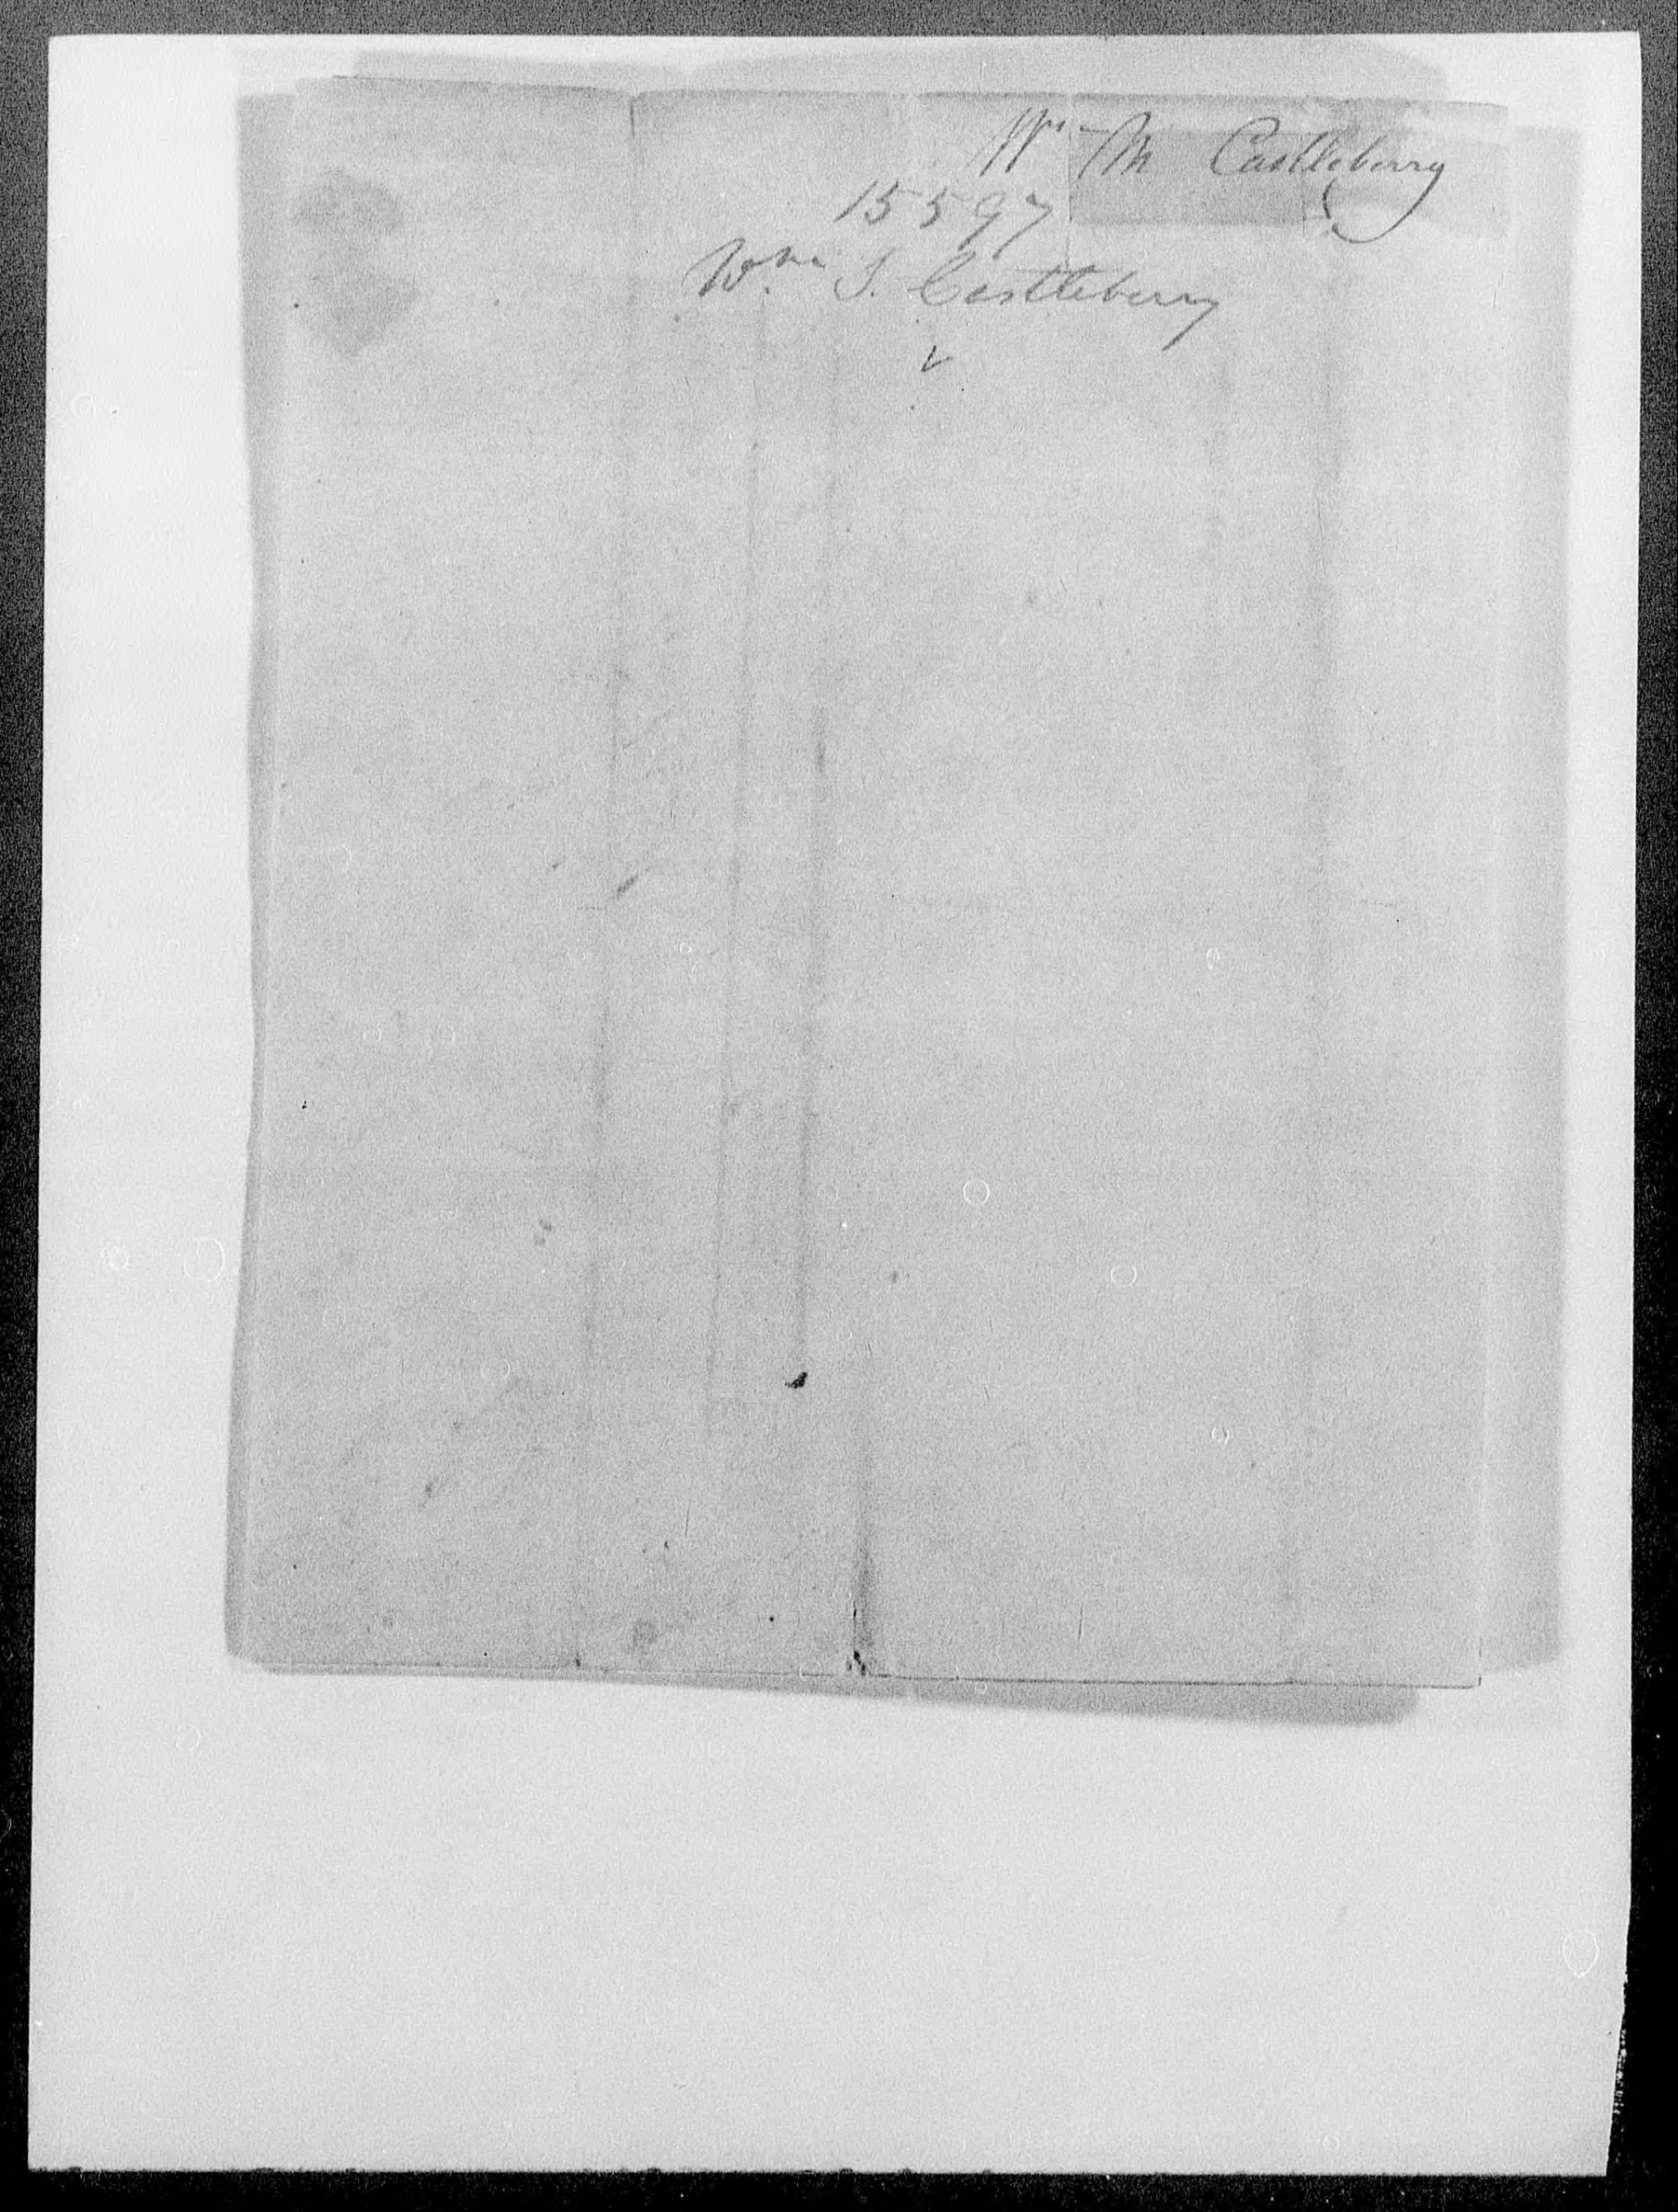Wm. M. Castleberry
15597
Bn. J. Castleberry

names: Wm T Castleberry, Wm M Castleberry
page: 3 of 20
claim: survivor's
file: S. 16,337, William M Castleberry, Ga.